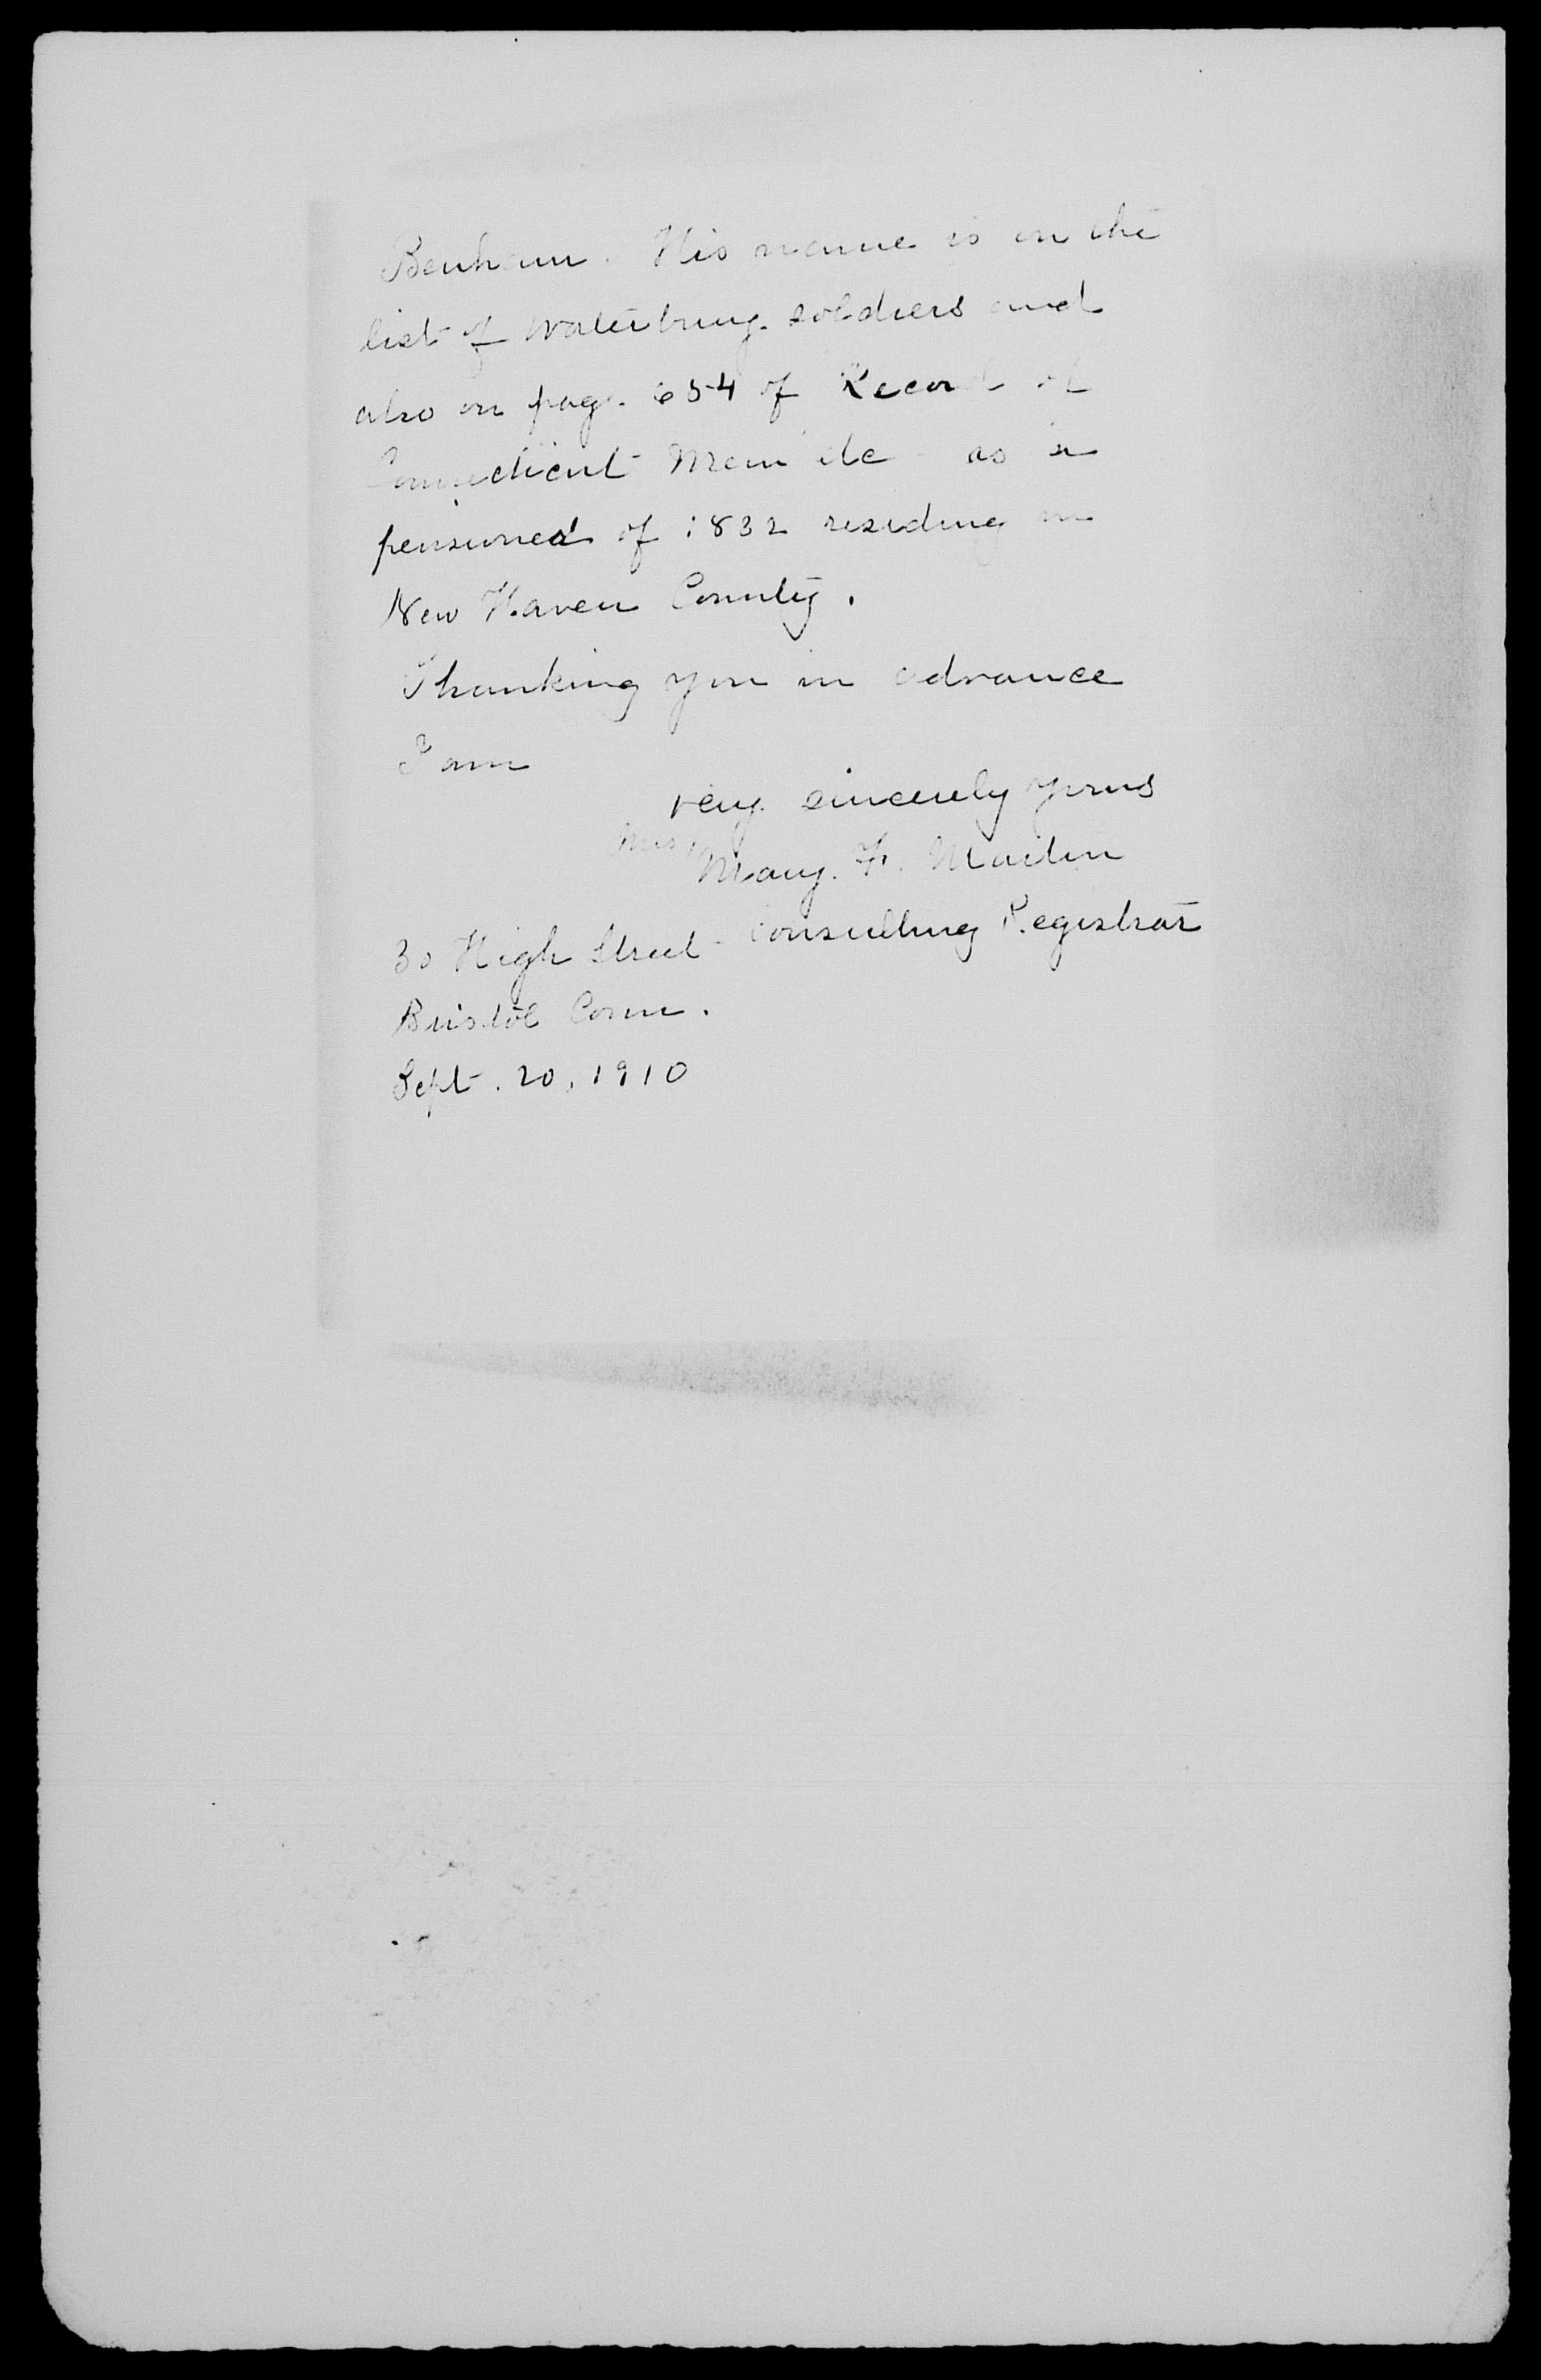Benham. His name is on the list of Waterbury soldiers and also in page 654 of Record of Connecticut men in war as pensioned of 1832 residence in New Haven County.
Thanking you in advance
I am very sincerely yours 
Mrs. Mary F. Martin 
30 High Street consulting Registrar 
Bristol Conn. 
Sept. 20, 1910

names: Benham, Mary F Martin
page: 29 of 45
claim: survivor's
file: S. 15748, Elihu Benham, Conn.